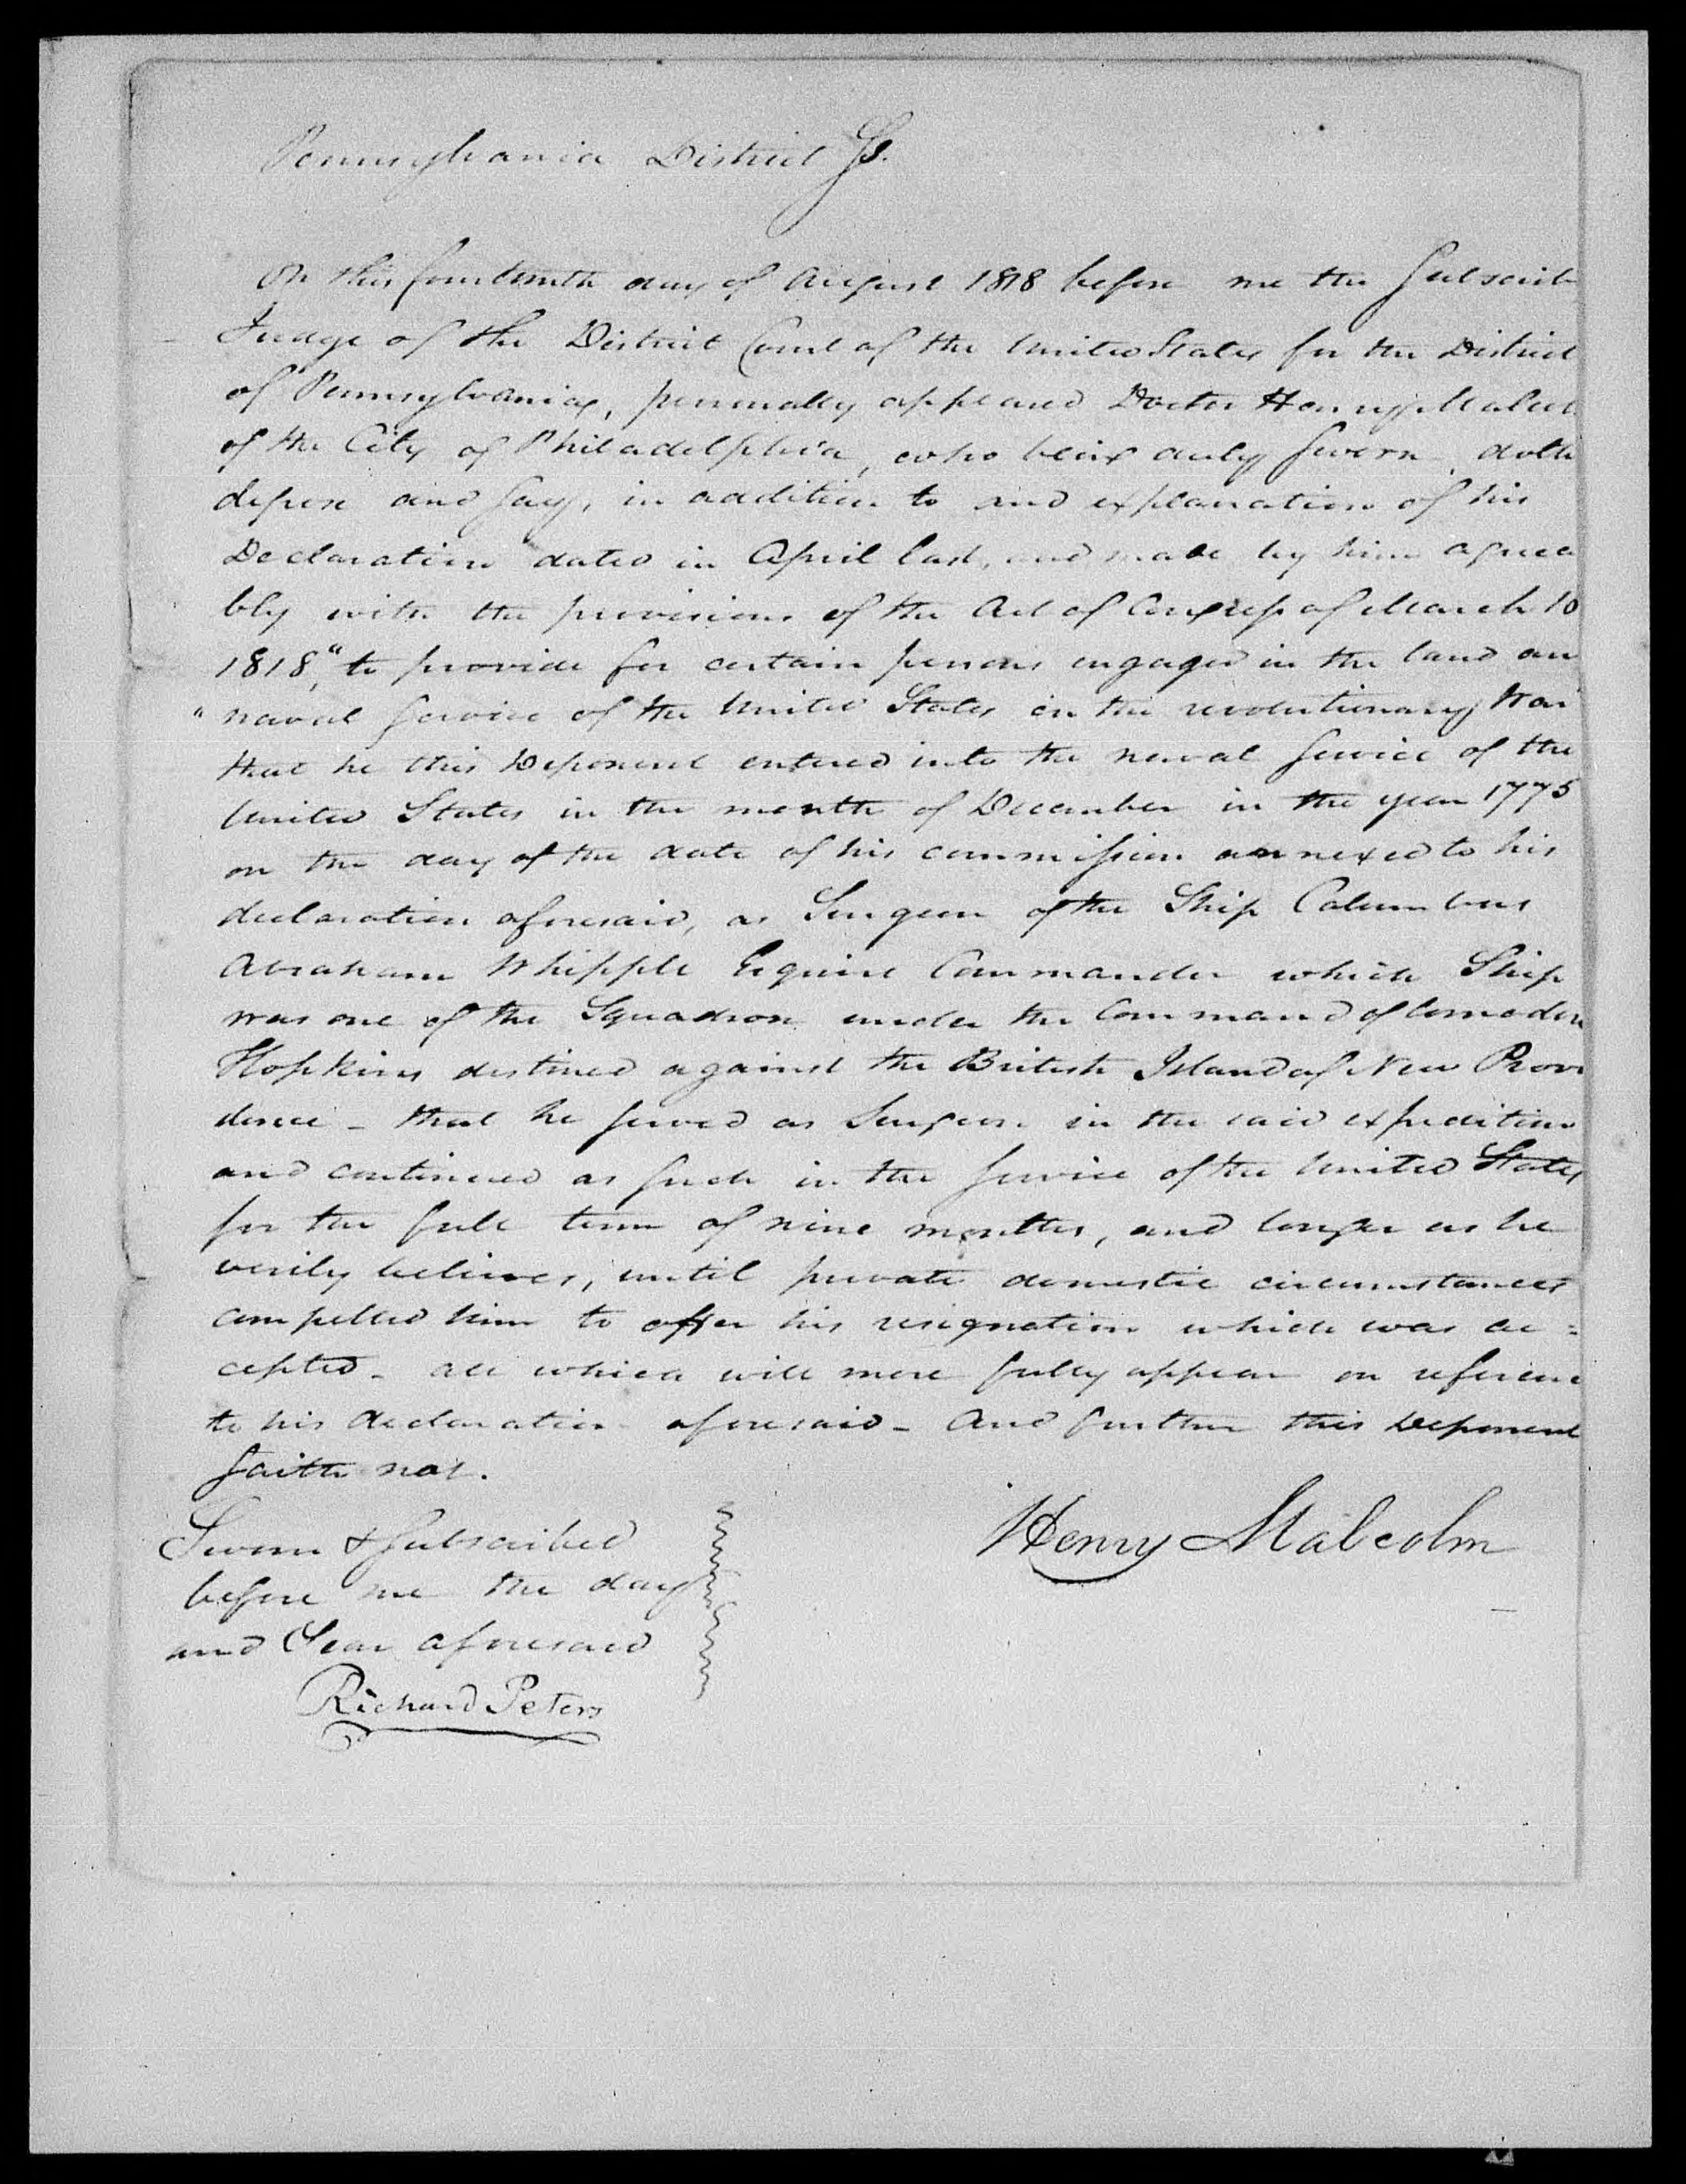Pennsylvania District ss.
On this fourteenth day of August 1818 before me the Subscribe Judge of the District Court of the United States for the District of Pennsylvania, personally appeared Doctor Henry Malcol[m] of the City of Philadelphia, who being duly sworn doth depose and say, in addition to and explanation of his Declaration dated in April last, and made by him agreebly with the provisions of the act of Congress of March 10 1818, "to provide for certain persons engaged in the land and naval service of the United States in the revolutionary War that he this Deponent entered into the naval service of the United States in the month of December in the year 1775 on the day of the date of his commission annexed to his declaration aforesaid, as Surgeon of the Ship Columbus Abraham Whipple Esquire Commander which Ship was one of the squadron under the command of Camden Hopkins destined against the British Island of New Providence - that he served as Surgeon in the said expedition and continued as first in the Service of the United States for the full term of nine months, and longer as he verily believes, until private domestic circumstances compelled him to offer his resignation which was accepted, all which will more fully appear on reference to his declaration aforesaid. And further this deponent Saith not
Henry Malcolm
Sworn & subscribed before me the day and year aforesaid}
Richard Peters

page: 22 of 28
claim: survivor's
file: S. 5,048, for Henry Malcolm